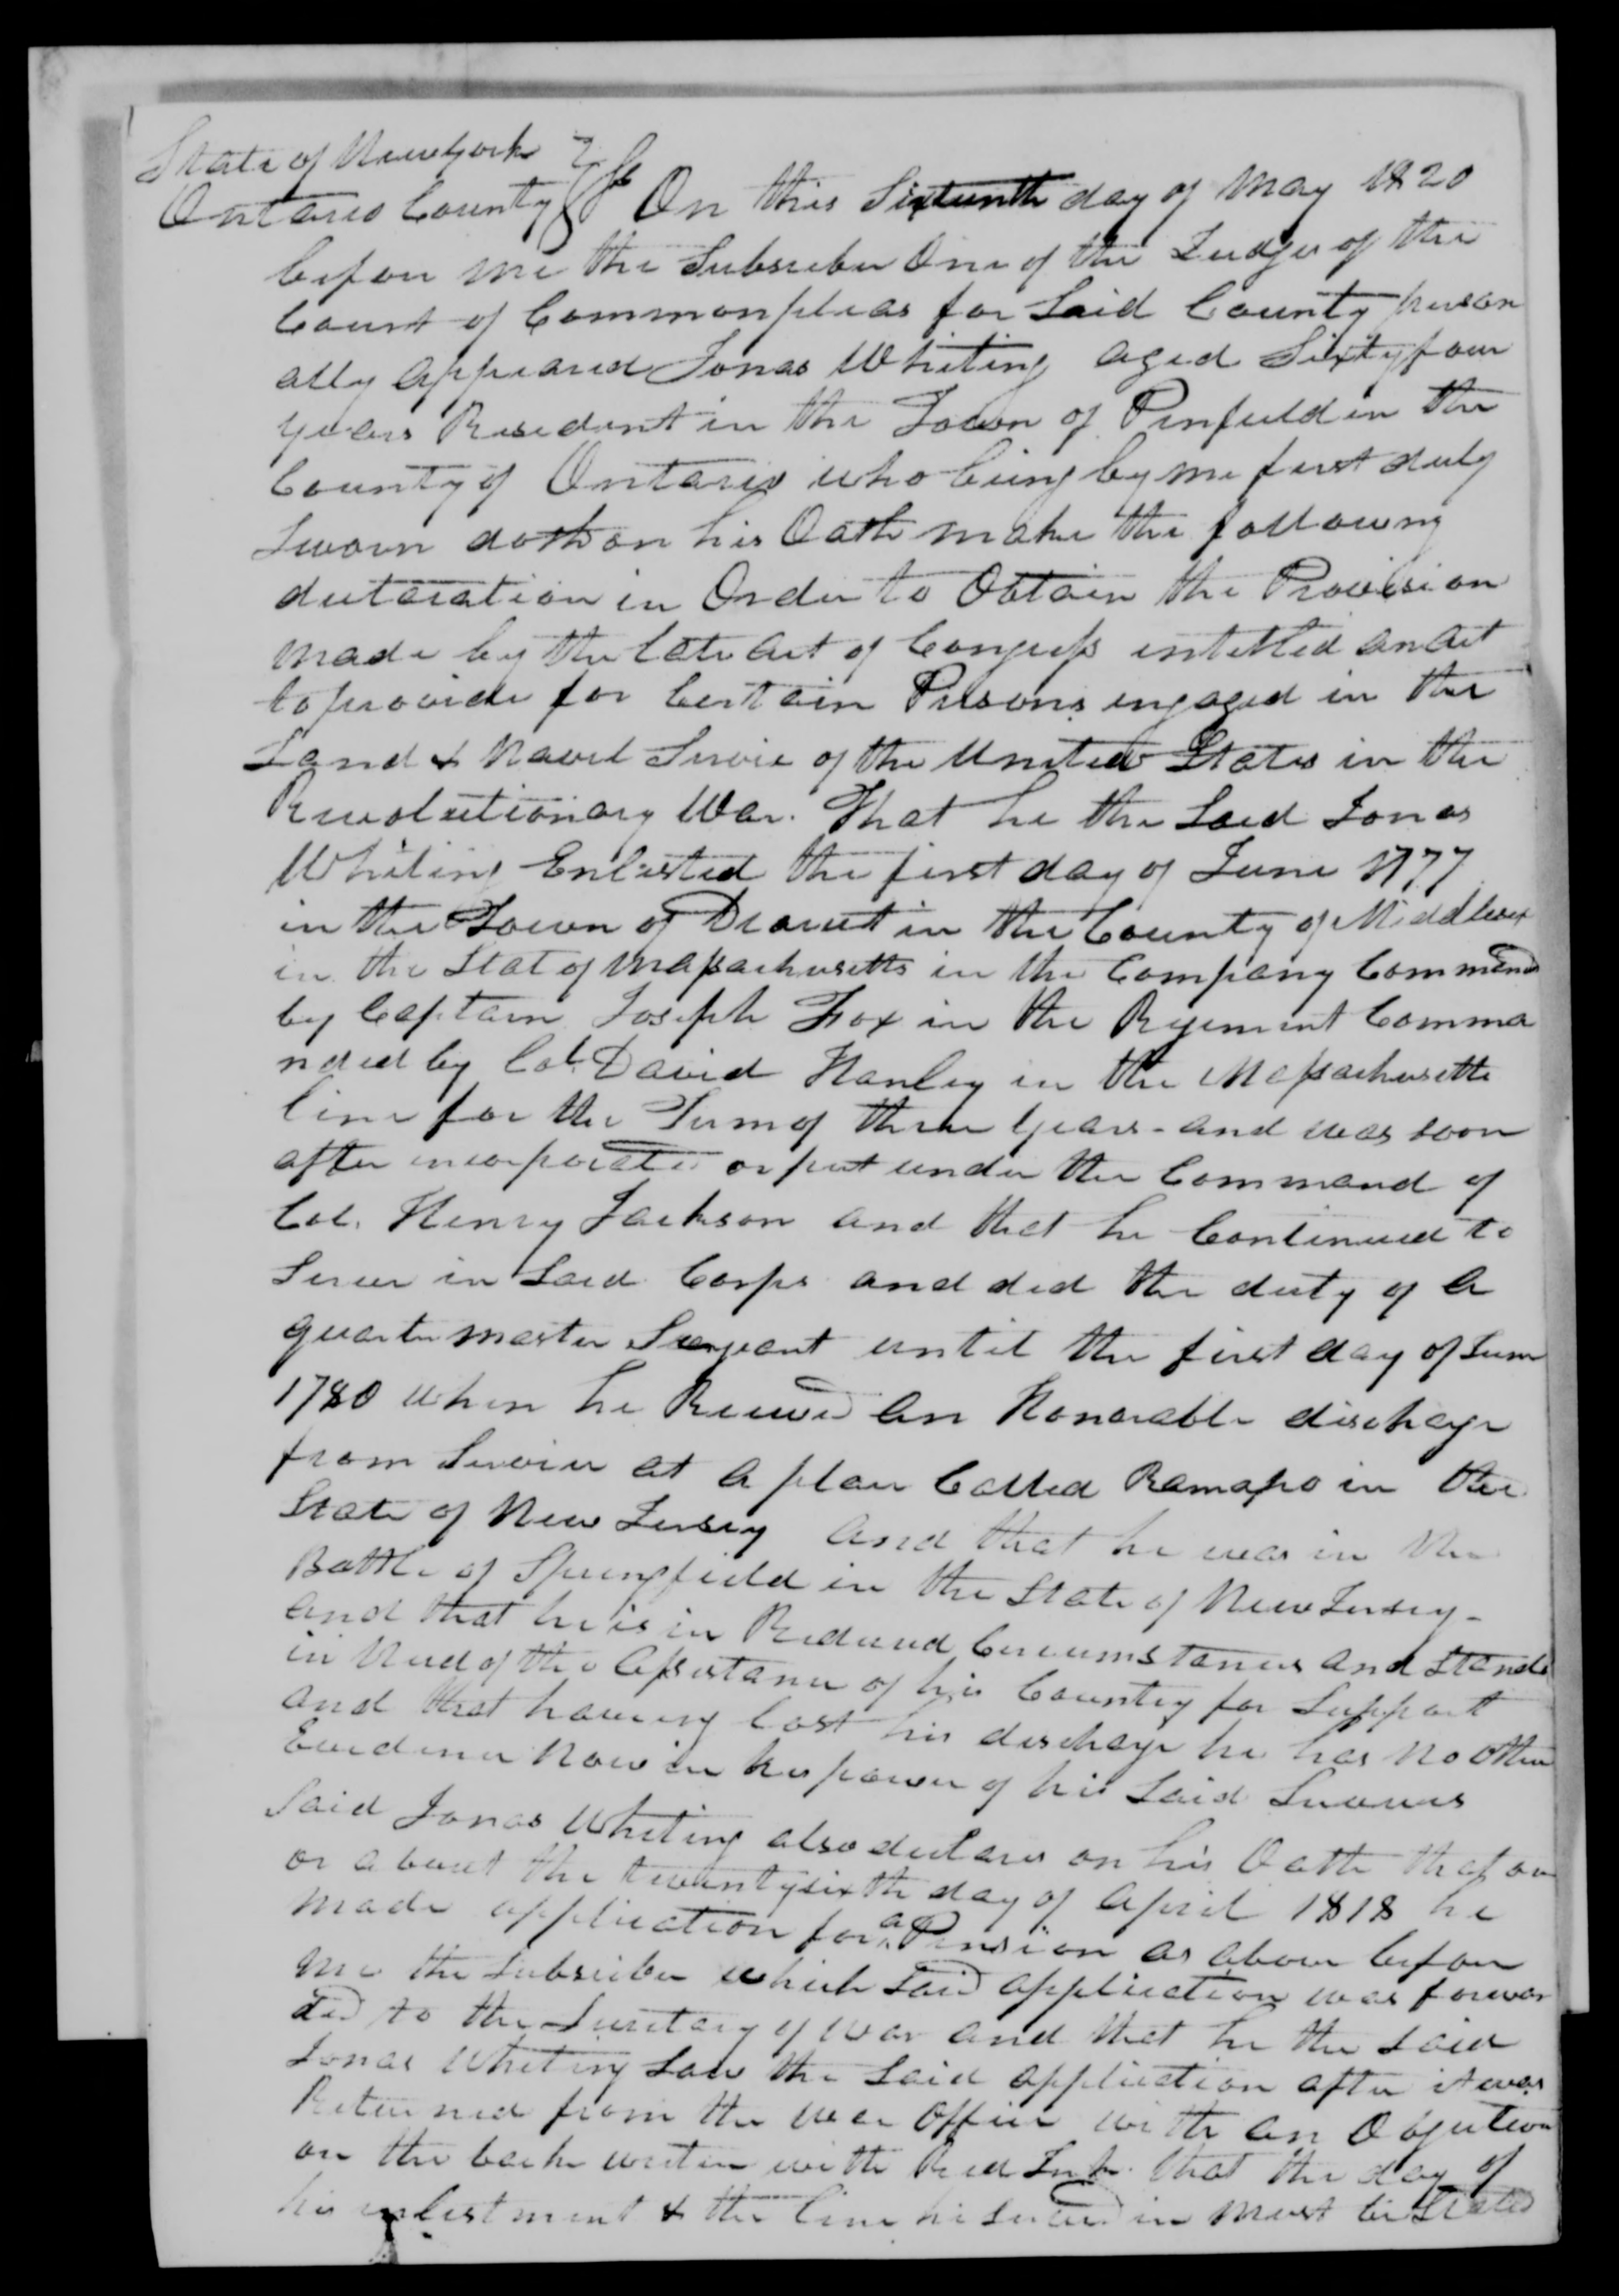State of New York
Ontario County SS
On this sixteenth day of May 1820 before me the subscriber one of the Judges of the Court of Common Pleas for said County personally appeared Jonas Whiting aged sixty four years Resident in the Town of Penfield in the County of Ontario who being by me first duly sworn doth on his oath make the following declaration in Order to Obtain the Provision made by the late Act of Congress entitled An Act to provide for certain persons engaged in the Land & Naval Service of the United States in the Revolutionary War. That he the said Jonas Whiting enlisted the first day of June 1777 in the Town of Dracut in the County of Middlesex in the State of Massachusetts in the company commanded by Captain Joseph Fox in the Regiment commanded by Col. David Hanley in the Massachusetts line for term of three years and was soon after incorporated of just under the command of Col. Henry Jackson and that he continued to serve in said Corps and did the duty of a quartermaster Sergeant until the first day of June 1780 when he received an honorable discharge from service at a place called Ramapo in the State of New Jersey and that he was in the Battle of Springfield in the of New Jersey and that he is in reduced circumstances and stands in need of the assistance of his country for support and that having lost his discharge he has no other evidence now in his power of his said services.
Saaid Jonas Whiting also declares on his oath that on or about the twenty sixth day of \April 1818 he made application for a Pension as above before me the subscriber which said application was forwarded to the Secretary of War and that he the said Jonas Whiting lost the said application after it was returned from the war office with an objection on the back written with  red ink that the day of his enlistment and the line he served in must be listed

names: Swanes, Joseph Fox, David Hanley, Jonas Whiting, Henry Jackson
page: 20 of 22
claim: survivor's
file: S. 43298, Jonas Whiting, Mass.